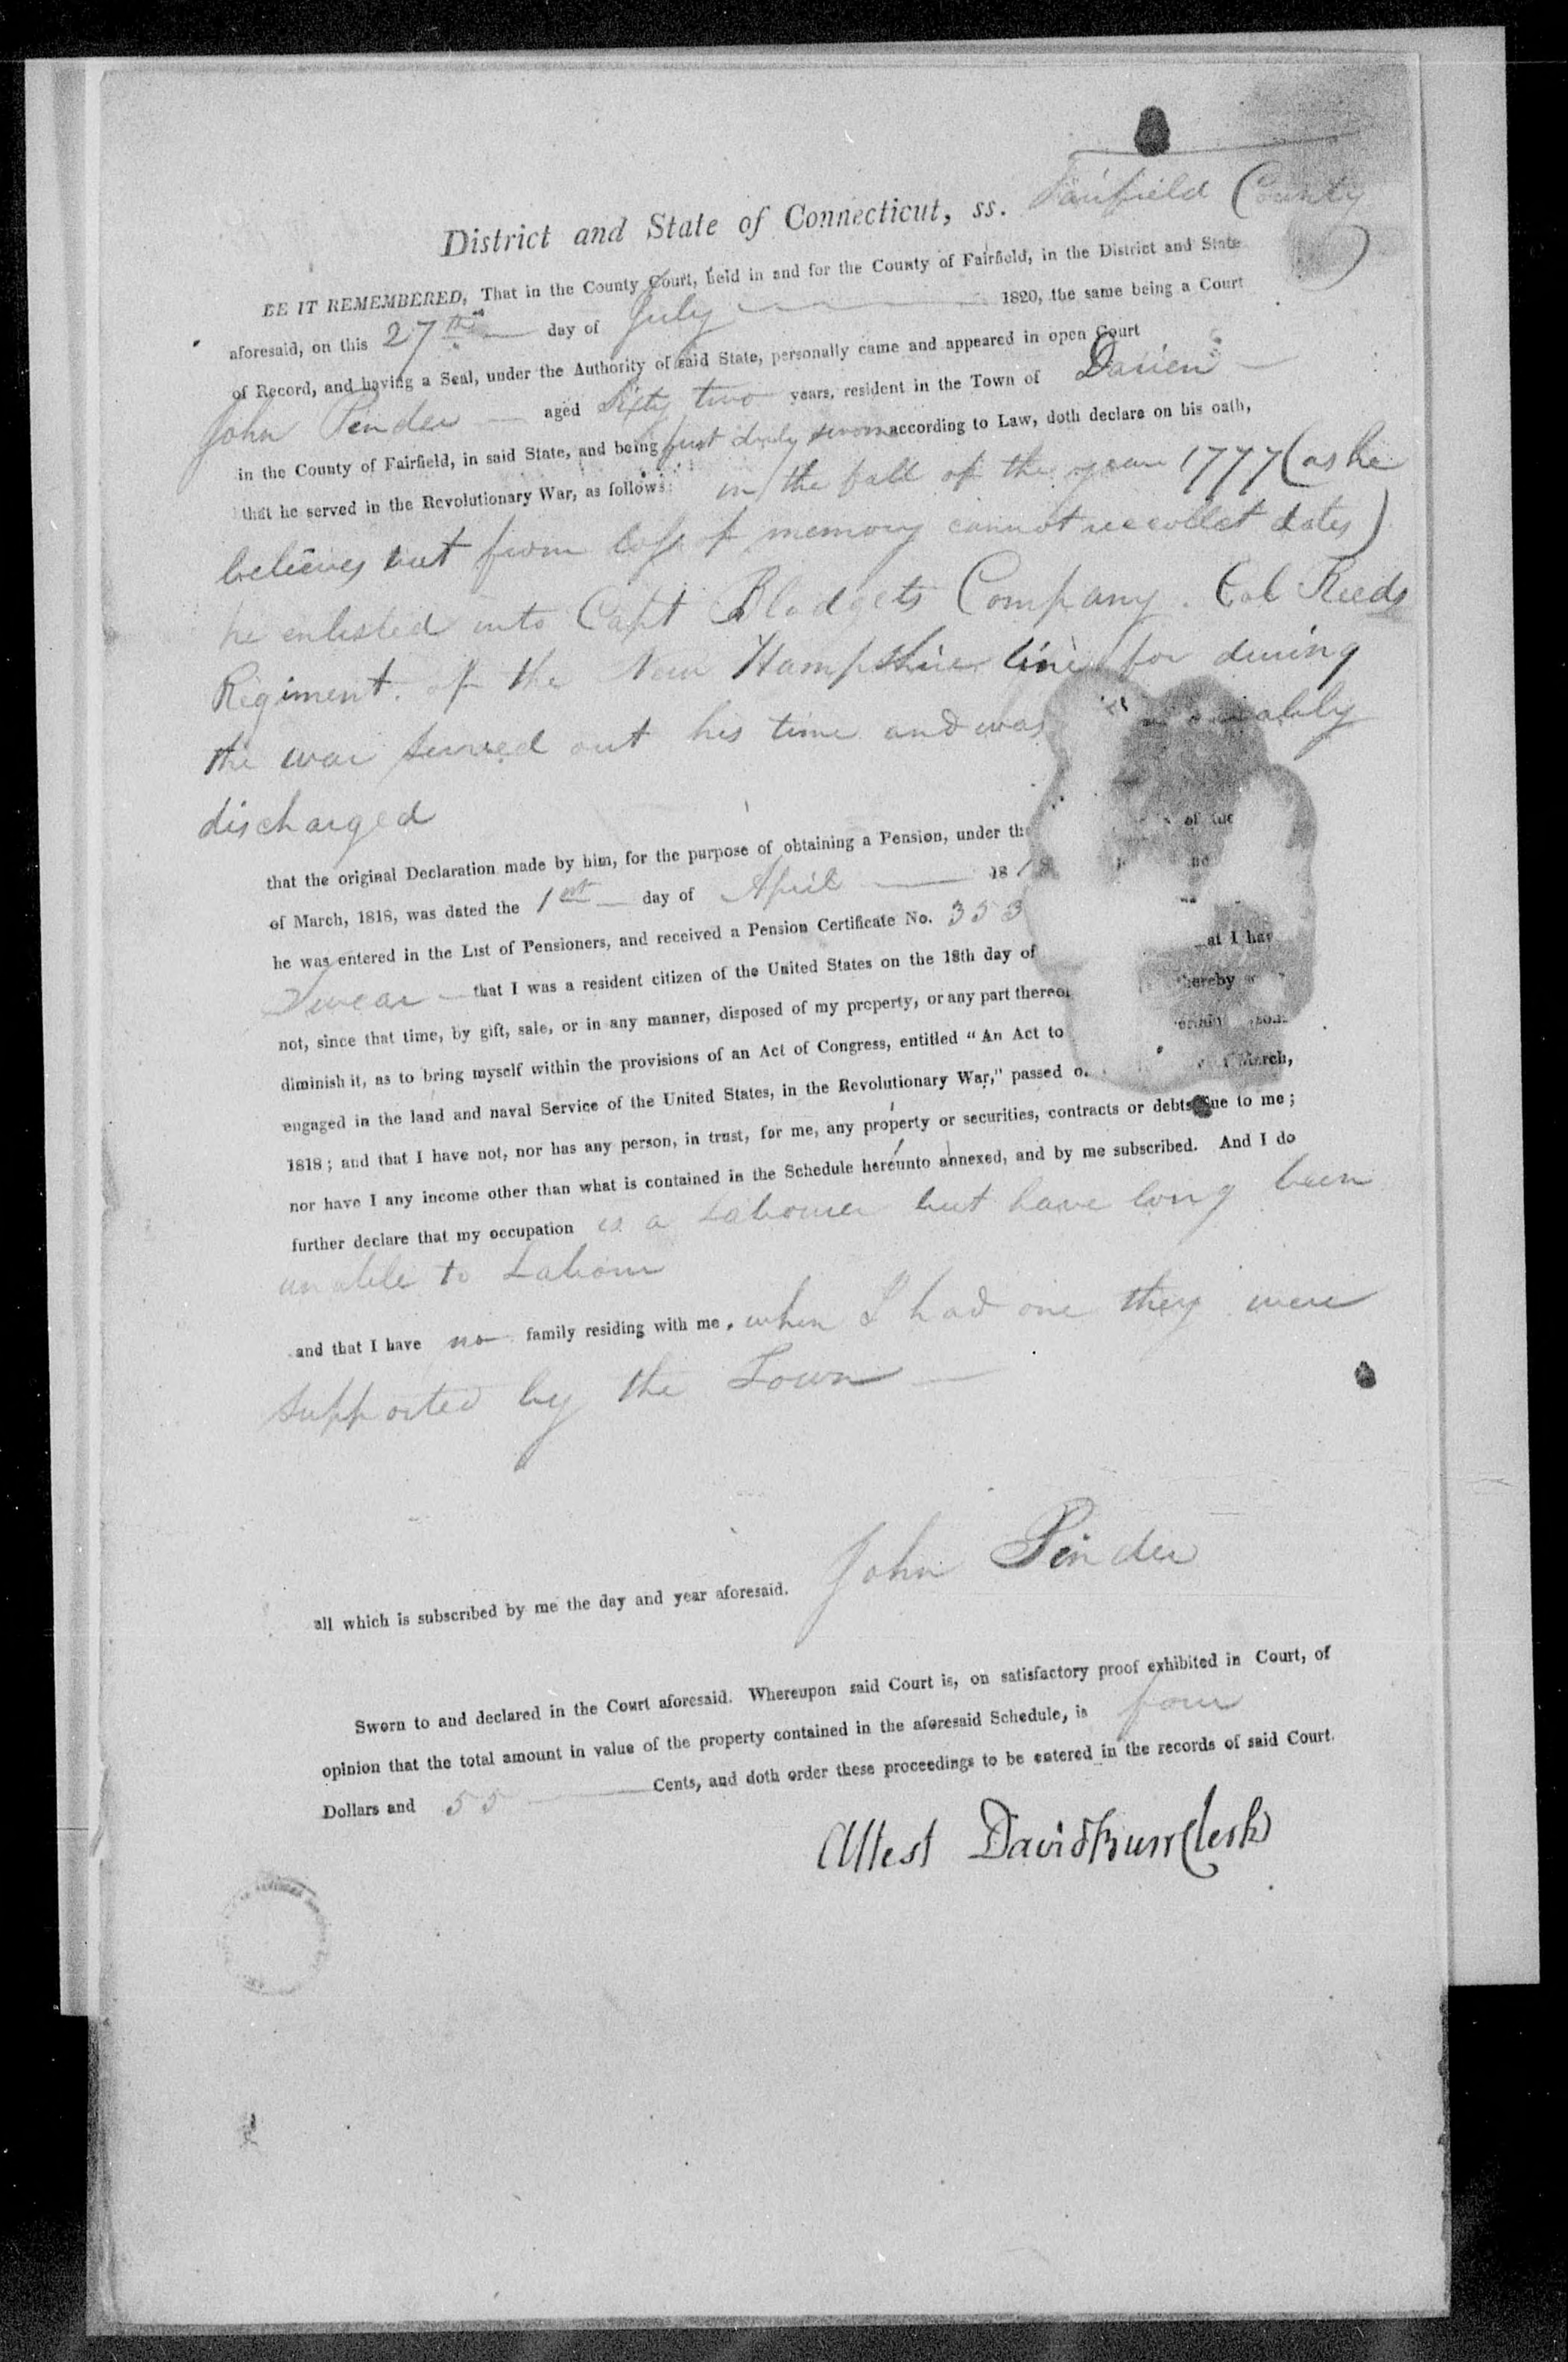District and State of Connecticut, ss.
Fairfield County
BE IT REMEMBERED, That in the County Court, held in and for the County of Fairfield, in the District and State aforesaid, on this 27th day of July 1820, the same being a Court of Record, and having a Seal, under the Authority of said State, personally came and appeared in open Court John Pender aged sixty two years, resident in the Town of Darien in the County of Fairfeld, in said State, and being first duly sworn according to Law, doth declare on his oath that he served in the Revolutionary War, as follows: in the fall of the year 1777 (as he believes but from loss of memory cannot recollect dates) he enlisted into Capt Blodgets Company Col Reeds Regiment of the New Hampshire line for during the war served out his time and was [honorably] discharged
that the original Declaration made by him, for the purpose of obtaining a pension, under the [illegible] of March, 1818, was dated the 1st day of April 1818 [illegible] he was entered in the List of Pensioners, and received a Pension Certificate No. 353 [illegible] 
I swear that I was a resident citizen of the United States on the 18th day of [March 1818 and that I have] not, since that time, by gift, sale, or in any manner, disposed of my property, or any part thereof [with intent thereby so as to] diminish it, as to bring myself within the provisions of an Act of Congress, entitled ""An Act to [provide for certain persons] engaged in the land and naval service of the United States, in the Revolutionary War"" passed [on the 18th of March] 1818; and that I have not, nor has any person, in trust for me, any property or securities, contracts or debts due to me;  nor have I any income other than what is contained in the Schedule hereunto annexed, and by me subscribed. And I do further declare that my occupation is a Labourer but have long been unable to Labour and that I have no family residing with me, when I had one they were supported by the Town
all which is subscribed by me the day and year aforesaid. [signed]  John Pender

Sworn to and declared in the Court aforesaid. Whereupon said Court is, on satisfactory proof exhibited in Court, of opinion that the total amount in value of the property contained in the aforesaid schedule, four Dollars and 55 Cents, and doth order these proceedings to be entered in the records of said Court.
Attest [signed] David Burr Clerk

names: John Pender; David Burr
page: 12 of 13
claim: survivor's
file: S. 36211, for John Pender, New Hampshire